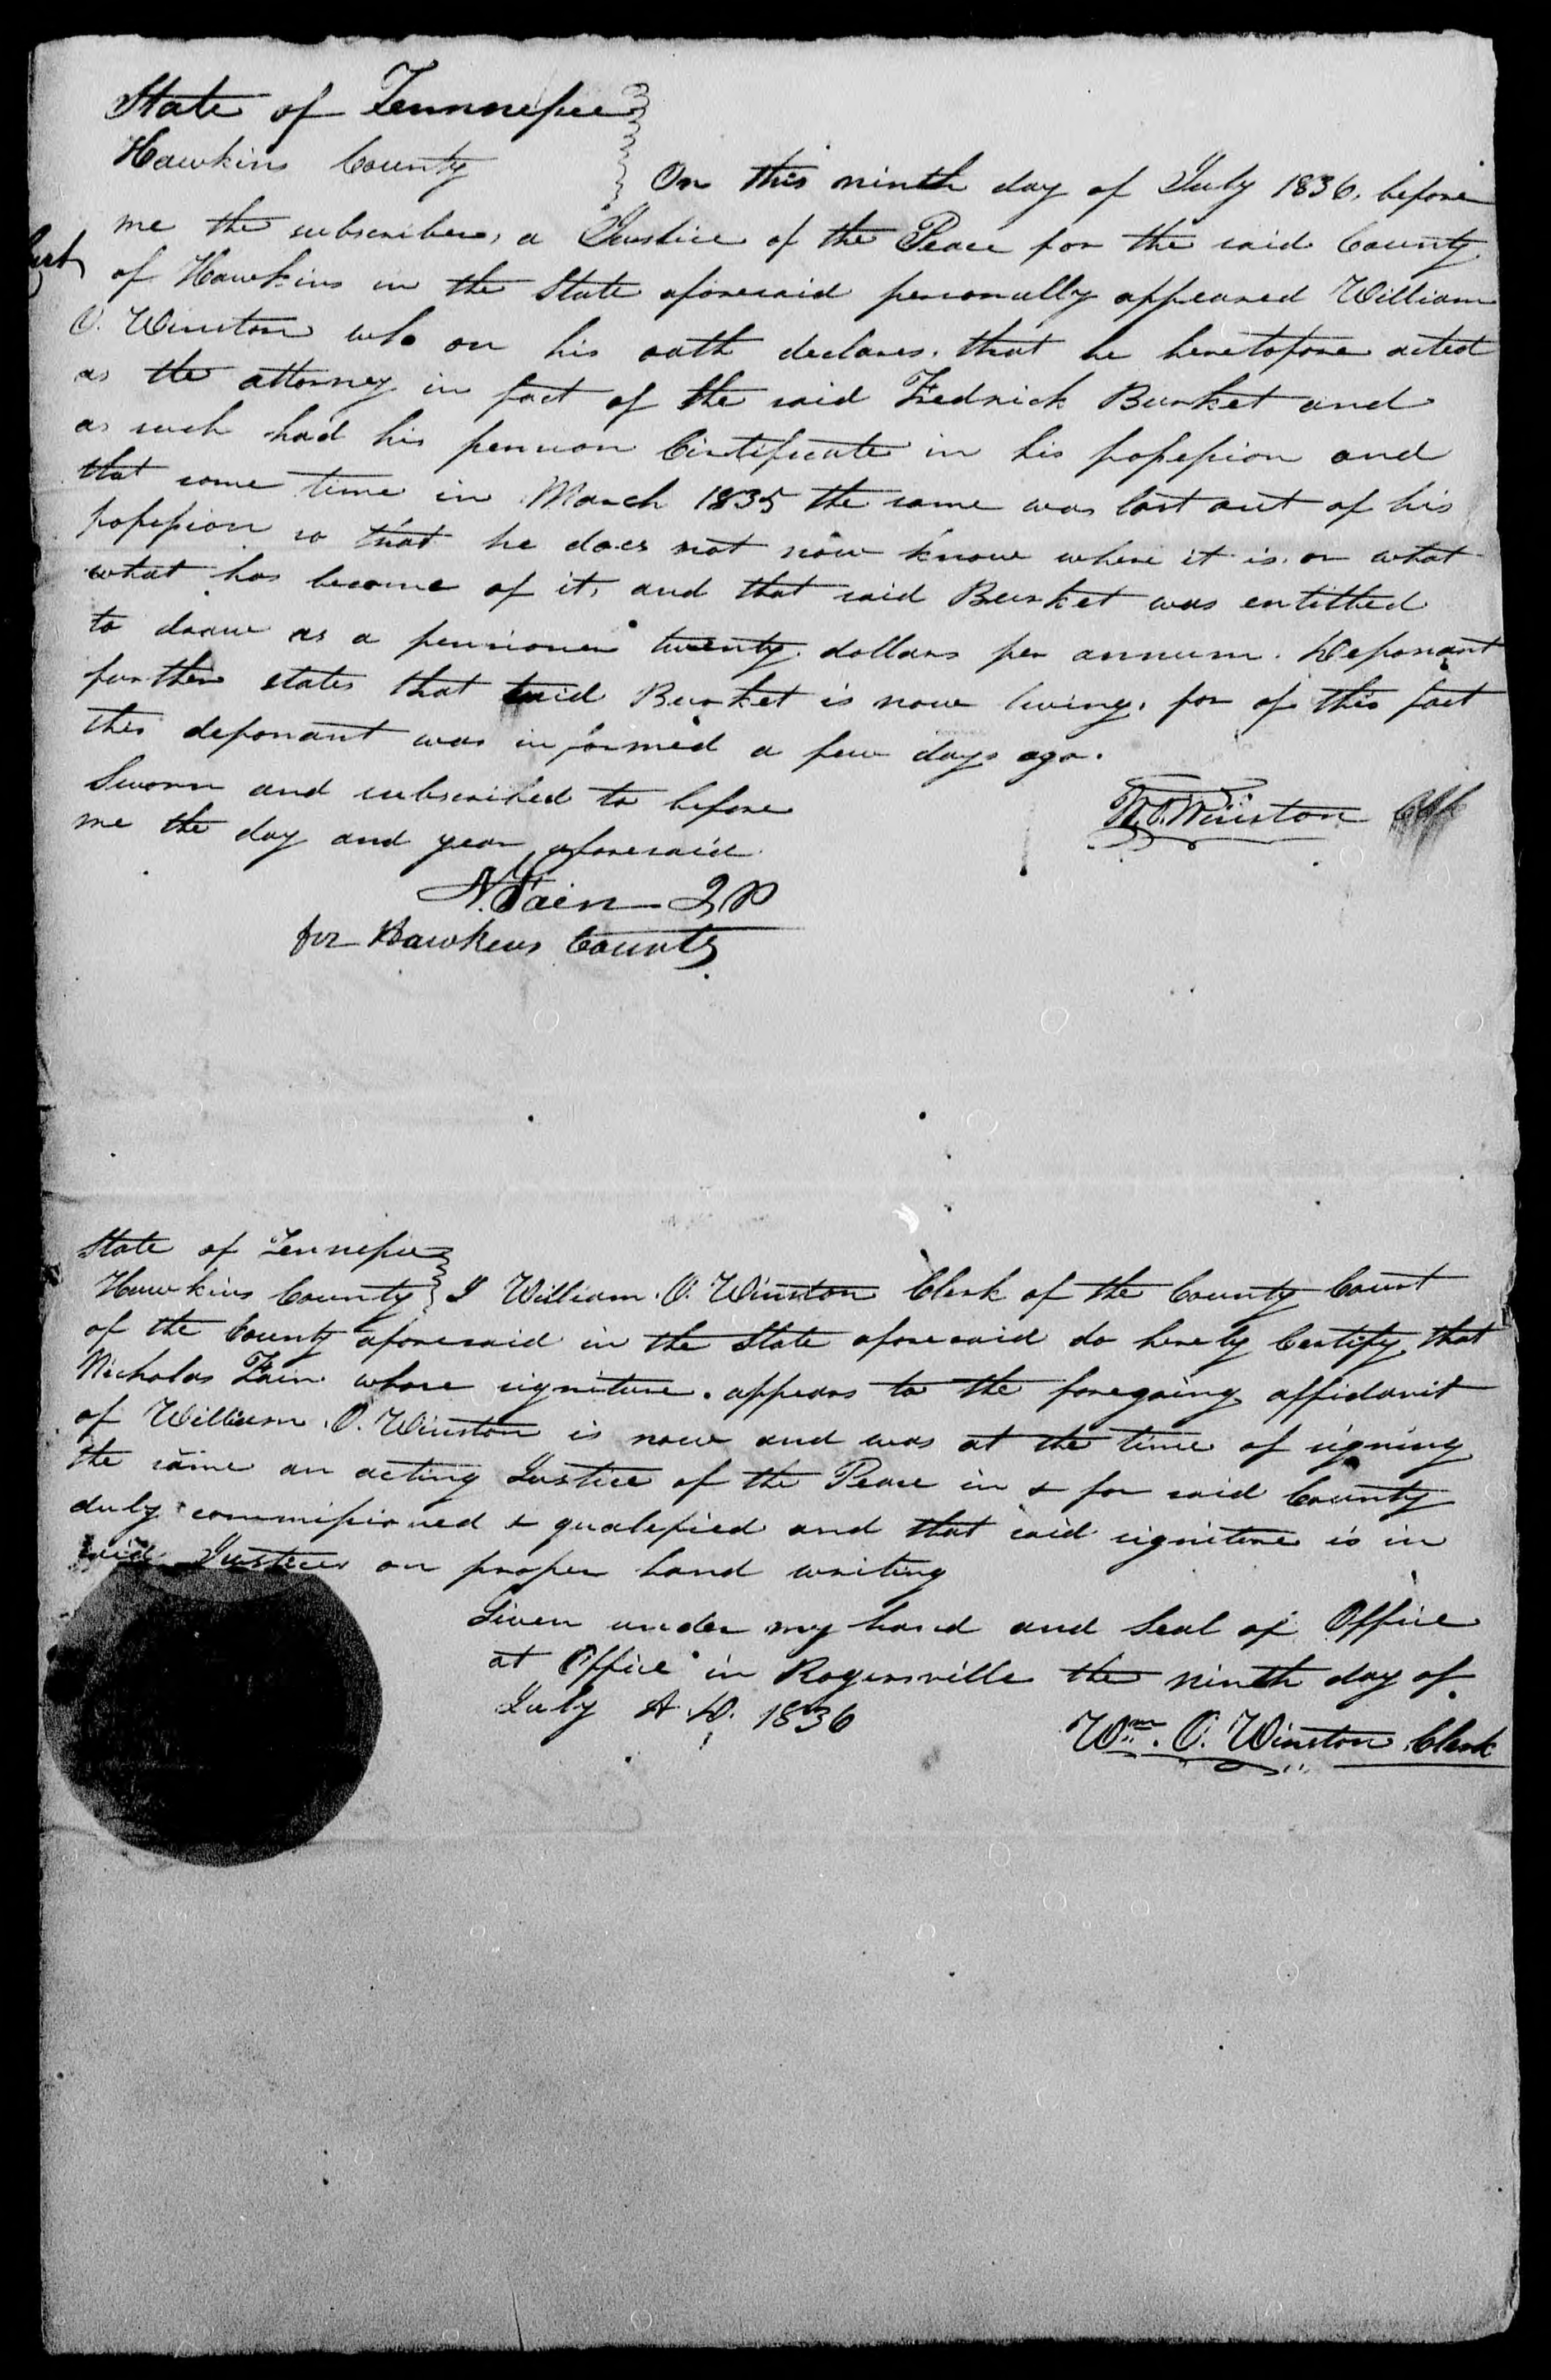State of Tennessee}
Hawkins County}

On this ninth day of July 1836, before me the subscribed, a Justice of the Peace for the said County of Hawkins in the State aforesaid personally appeared William O. Winston who on his oath declars that he hereto fore acted as the attorney in fact of the said Fredrick Burket and as such had his pension Certificate in his passion and that some time in March 1835 the same was lost out of his possession so that he does not now know where it is or what what has become of it and that said Burket was entitled to draw as a pension twenty dollars per annum.  

W. O. Winston Clk

Sworn and subscribed to before e the day and year foresaid
N. Fain JP
for Hawkins County.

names: N Fain, Fredrick Burket, Burket, William O Winston, W O Winston, Burket, William O Winston, Wm O Winston, William O Winston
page: 19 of 47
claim: survivor's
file: S. 3102, Frederick Burket, Va.